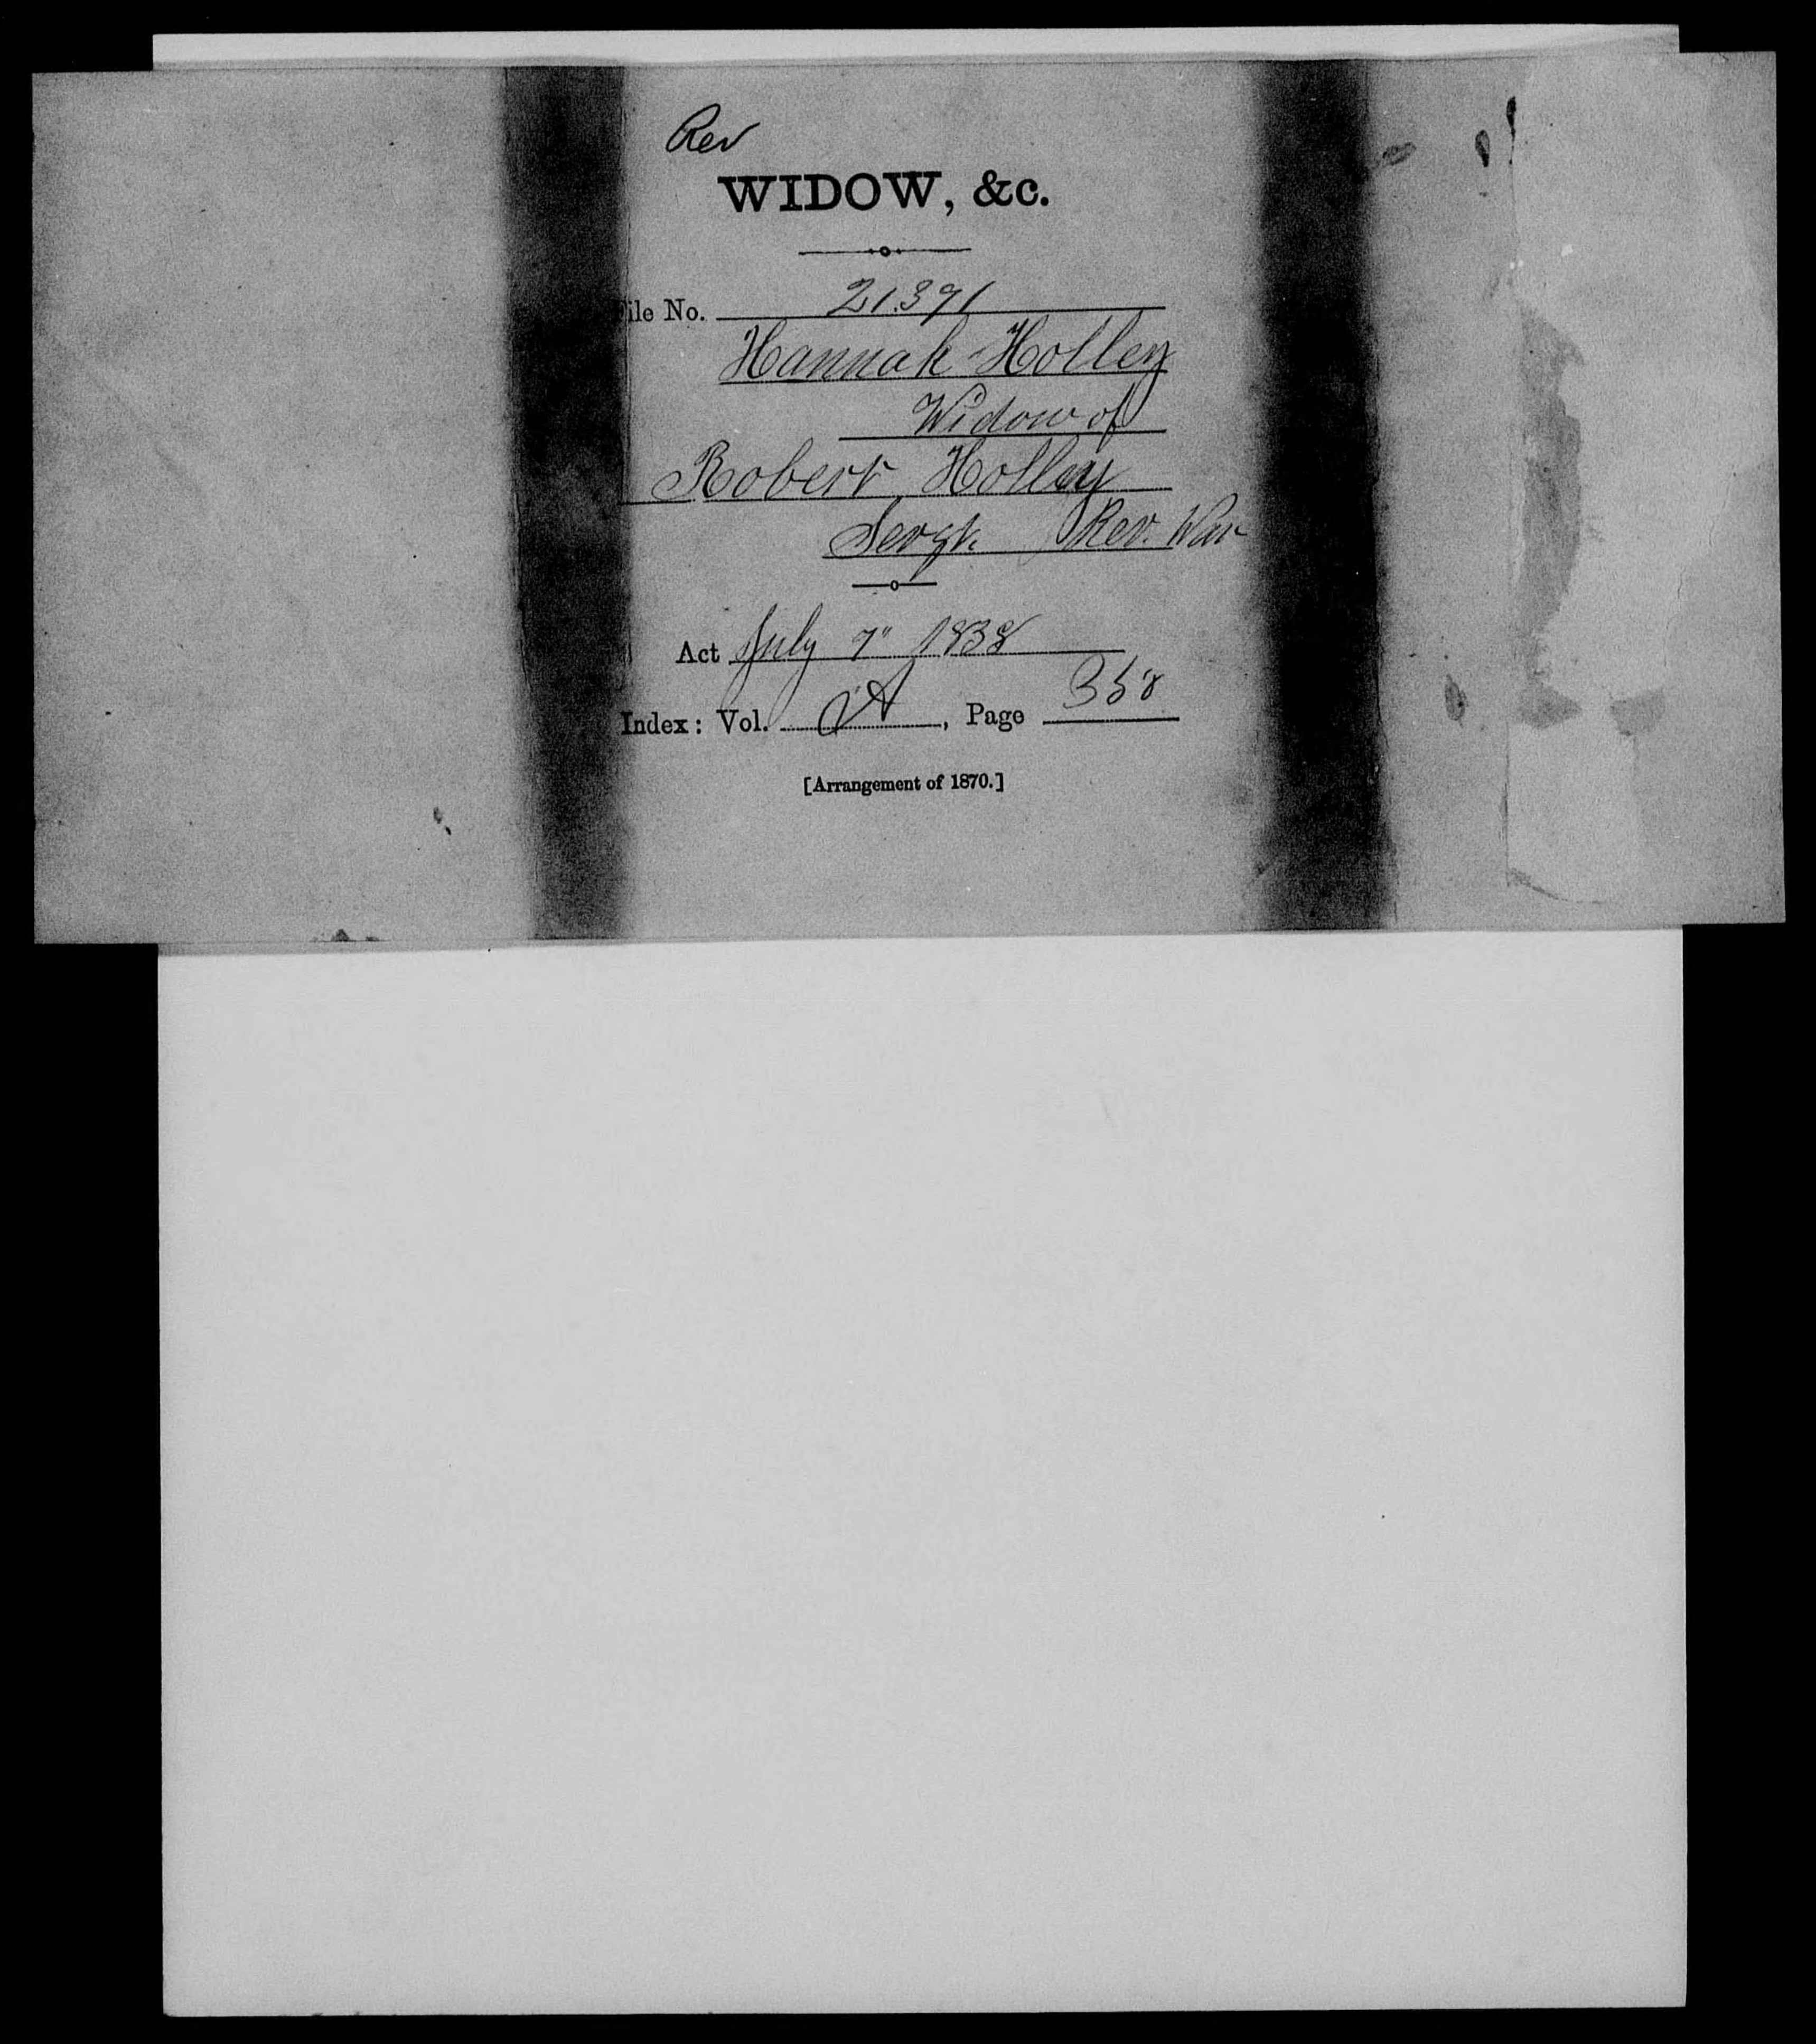Rev
WIDOW, &c.
File No. 21391
Hannah Holley
Widow of
Robert Holley
Sergt Rev War
---
Act July 7 1838
Index: Vol. A Page 358
[Arrangement of 1870.]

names: Hannah Holley, Robert Holley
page: 17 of 62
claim: widow's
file: W. 21391, Robert Holley, Conn.